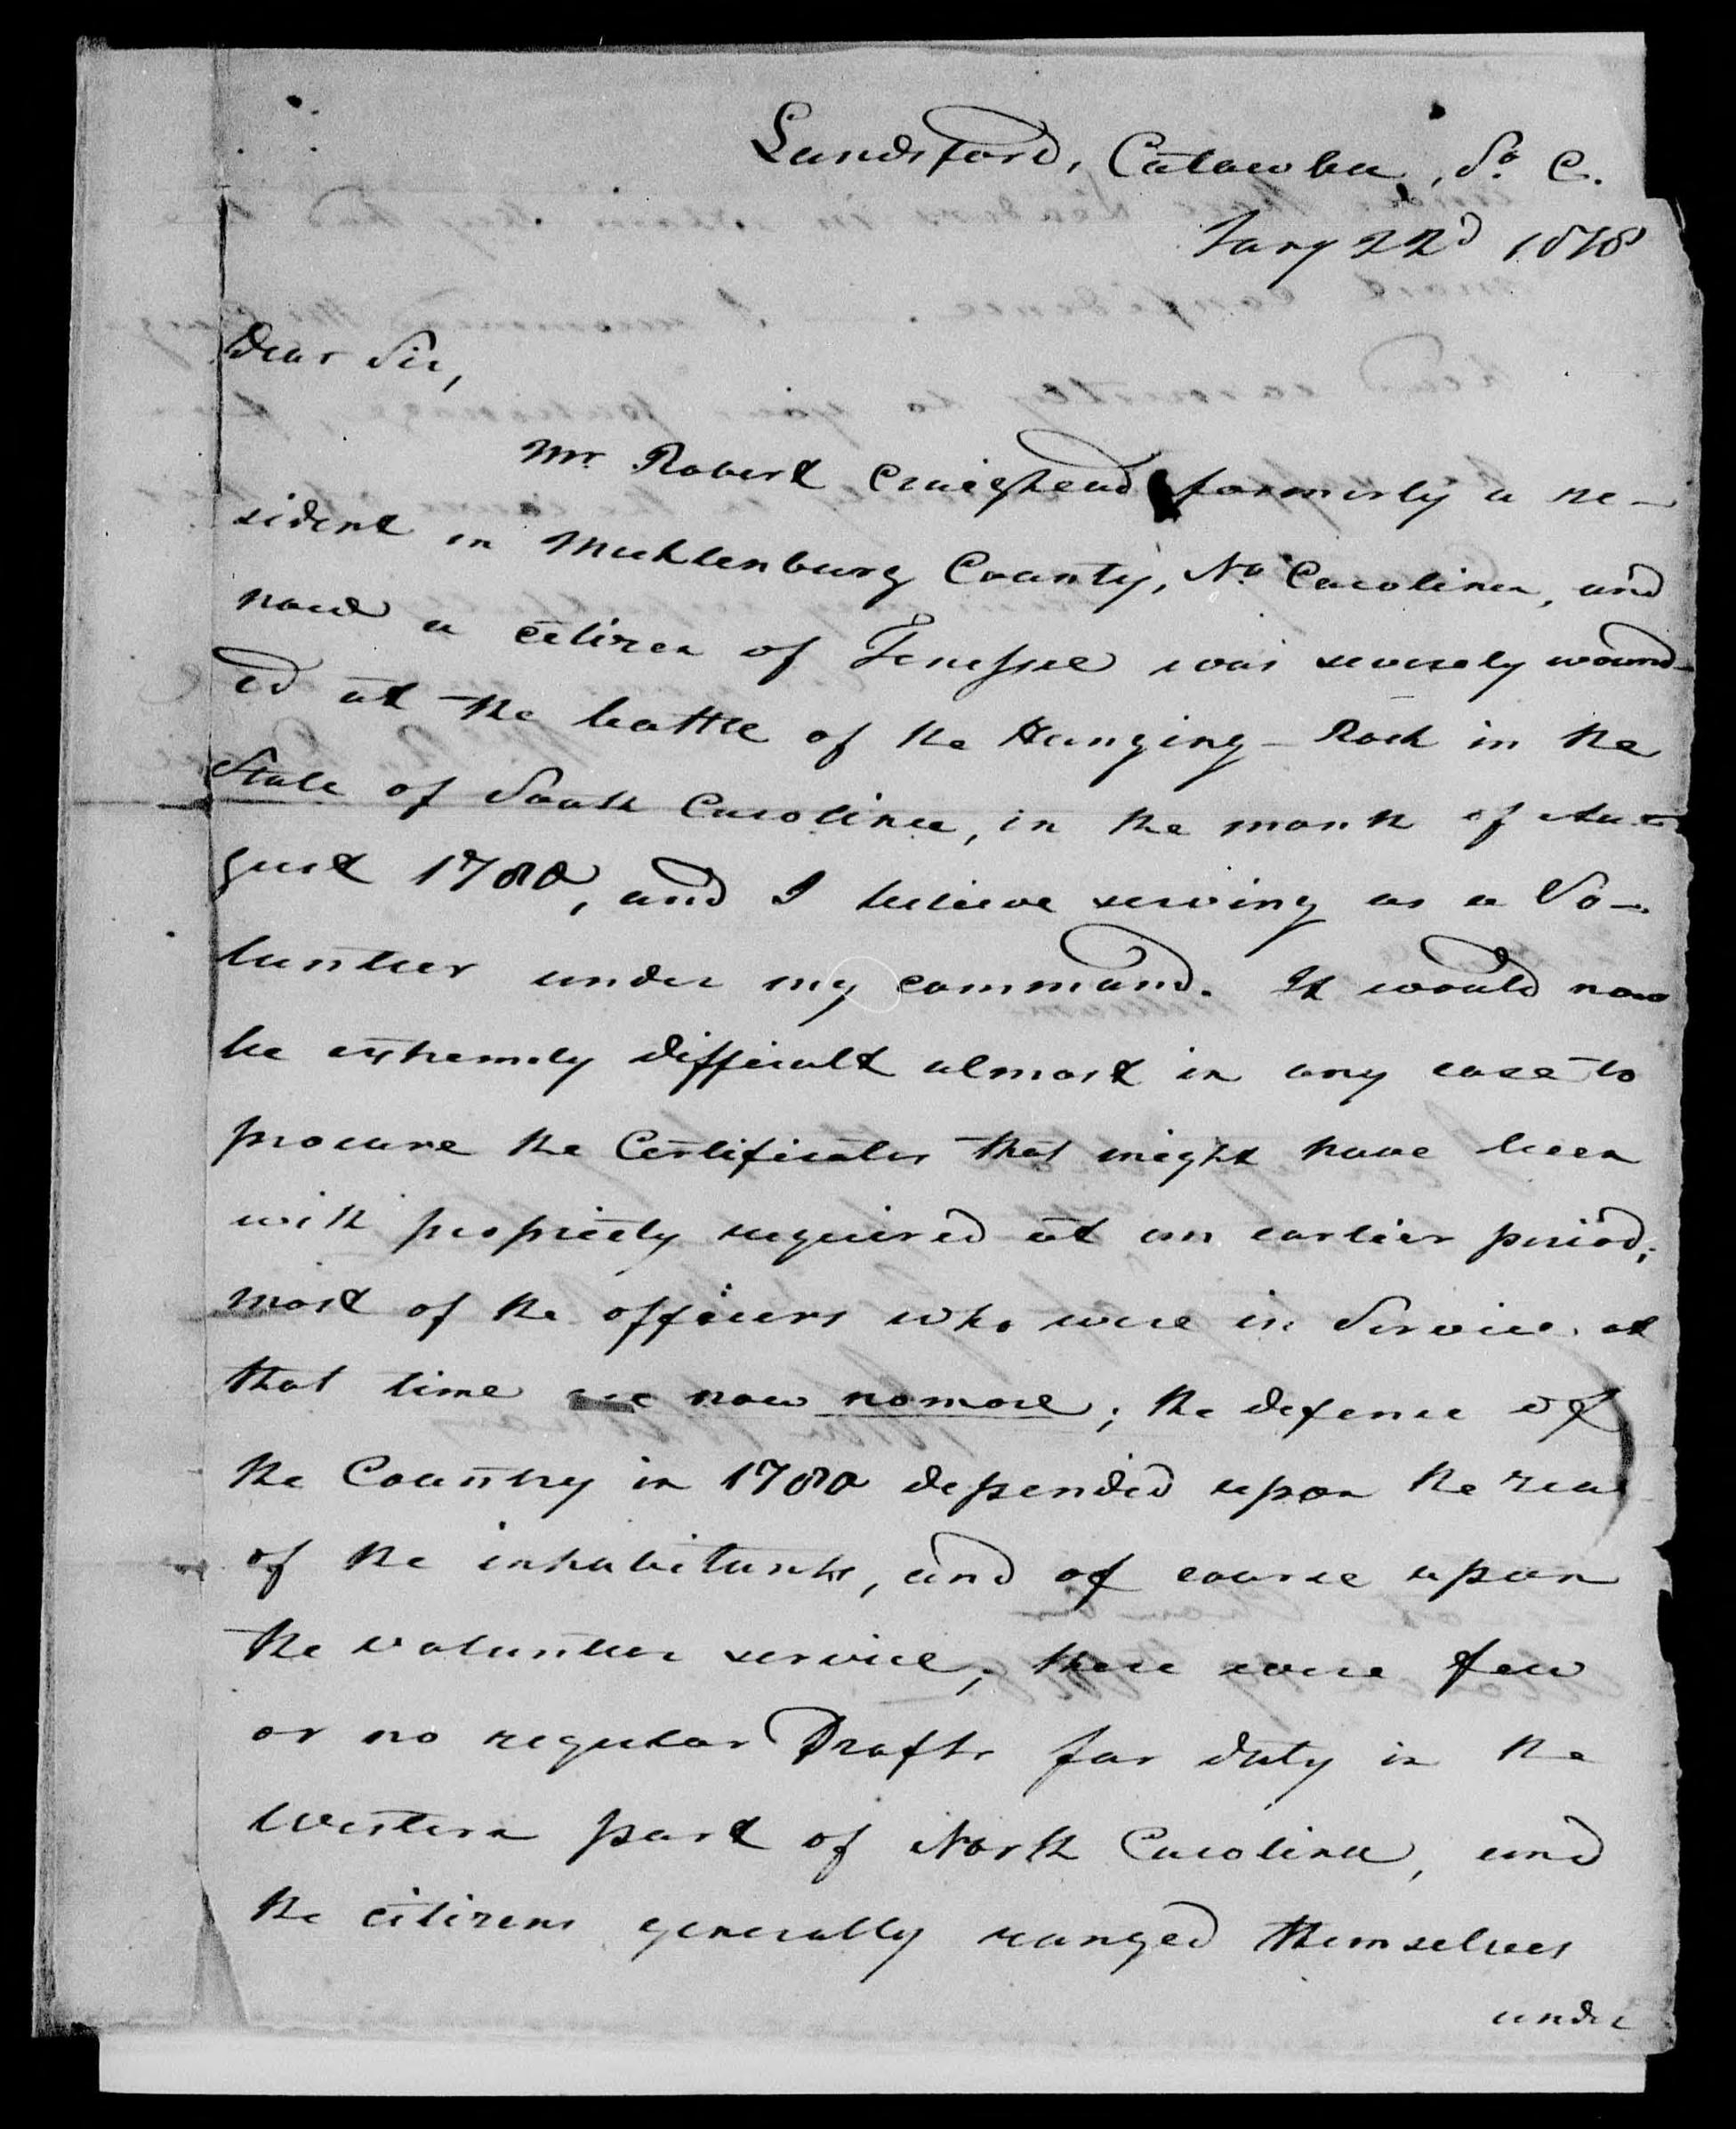Robert Craighead
Landsford, Catawba, South Carolina
January 22nd 1818

Dear Sir,
Mr. Robert Craighead formerly a resident in
Mecklenburg County, No Caroline, and
now a citizen of Tennessee was severely wounded
at the battle of the Hanging Rock in the
in the state of 
South Carolina, in the mark of August 1780
and I believe serving as  a volunteer
under under my command
It would now
be extremely difficult almost in any case to
procure the certificates
that might have been
with propriety required at an
earlier period
Word of the officers
are in service, at
that time we now no more; the defense of
the Country in 1780 depended upon real
of the inhabitants, and of course upon
he volunteer service there were
few
or no regular draft for duty in the
Western part of North Carolina, and
be citizens generally ranged themselves
under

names: Robert Craighead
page: 12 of 26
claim: survivor's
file: S. 352, Robert Craighead, N.C.